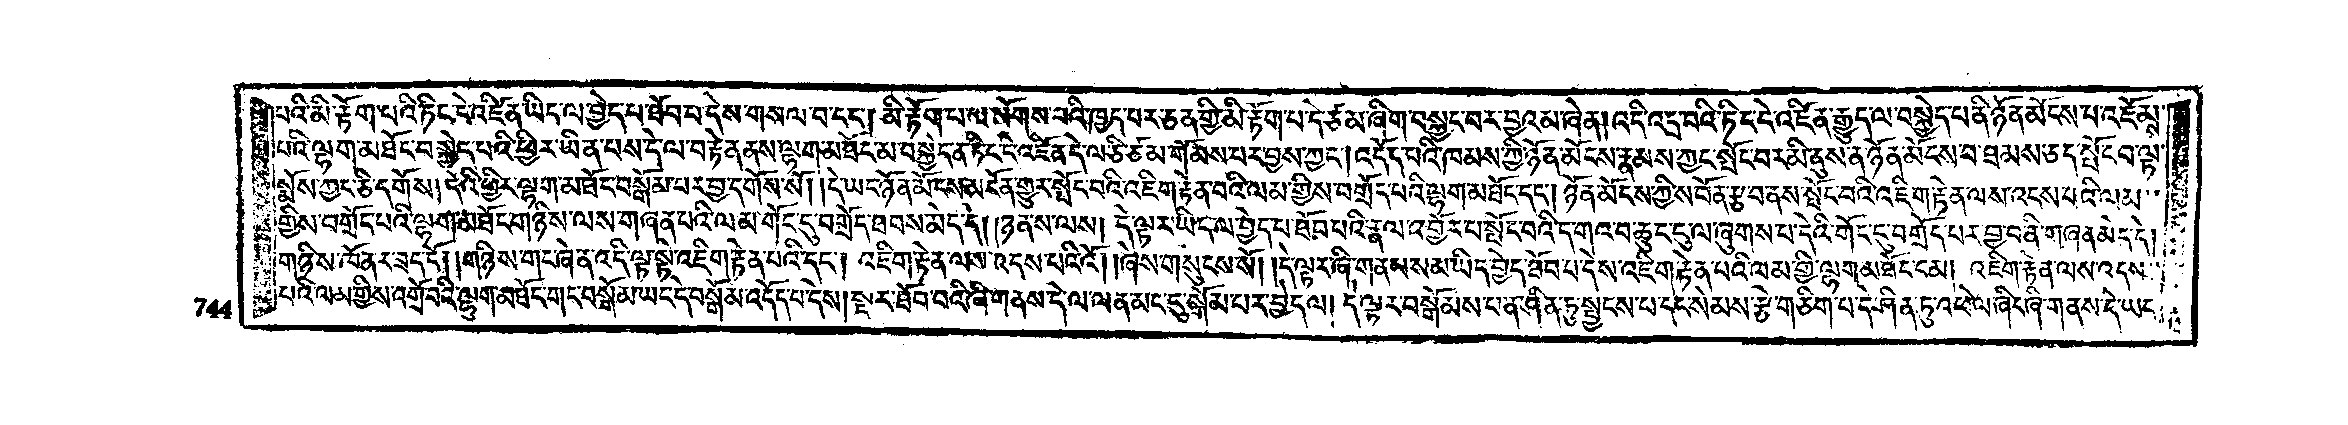བའི་མི་རྟོག་པའི་ཏིང་ངེ་འཛིན་ཡིད་ལ་བྱེད་པ་ཐོབ་པ་དེས་གསལ་བ་དང་། མི་རྟོག་པ་ལ་སོགས་པའི་ཁྱད་པར་ཅན་གྱི་མི་རྟོག་པ་དེ་ཙམ་ཞིག་བསྐྱང་བར་བྱའམ་ཞེ་ན། འདི་འདྲ་བའི་ཏིང་ངེ་འཛིན་རྒྱུད་ལ་བསྐྱེད་པ་ནི་ཉོན་མོངས་པ་འཇོམས་
པའི་ལྷག་མཐོང་བསྐྱེད་པའི་ཕྱིར་ཡིན་པས་དེ་ལ་བརྟེན་ནས་ལྷག་མཐོང་མ་བསྐྱེད་ན་ཏིང་ངེ་འཛིན་དེ་ལ་ཅི་ཙམ་གོམས་པར་བྱས་ཀྱང་། འདོད་པའི་ཁམས་ཀྱི་ཉོན་མོངས་རྣམས་ཀྱང་སྤོང་བར་མི་ནུས་ན་ཉོན་མོངས་པ་ཐམས་ཅད་སྤོང་བ་ལྟ་
སྨོས་ཀྱང་ཅི་དགོས། དེའི་ཕྱིར་ལྷག་མཐོང་བསྒོམ་པར་བྱ་དགོས་སོ། །དེ་ཡང་ཉོན་མོངས་མངོན་གྱུར་སྤོང་བའི་འཇིག་རྟེན་པའི་ལམ་གྱིས་བགྲོད་པའི་ལྷག་མཐོང་དང་། ཉོན་མོངས་ཀྱི་ས་བོན་རྩ་བ་ནས་སྤོང་བའི་འཇིག་རྟེན་ལས་འདས་པའི་ལམ་
གྱིས་བགྲོད་པའི་ལྷག་མཐོང་གཉིས་ལས་གཞན་པའི་ལམ་གོང་དུ་བགྲོད་ཐབས་མེད་དེ། ཉན་ས་ལས། དེ་ལྟར་ཡིད་ལ་བྱེད་པ་ཐོབ་པའི་རྣལ་འབྱོར་པ་སྤོང་བའི་དགའ་བ་ཆུང་ངུ་ལ་ཞུགས་པ་དེའི་གོང་དུ་བགྲོད་པར་བྱ་བ་ནི་གཞན་མེད་དེ།
གཉིས་ཁོ་ནར་ཟད་དོ། །གཉིས་གང་ཞེ་ན་འདི་ལྟ་སྟེ་འཇིག་རྟེན་པའི་དང་། འཇིག་རྟེན་ལས་འདས་པའིའོ། །ཞེས་གསུངས་སོ། །དེ་ལྟར་ཞི་གནས་སམ་ཡིད་བྱེད་ཐོབ་པ་དེས་འཇིག་རྟེན་པའི་ལམ་གྱི་ལྷག་མཐོང་ངམ། འཇིག་རྟེན་ལས་འདས་
པའི་ལམ་གྱིས་འགྲོ་བའི་ལྷག་མཐོང་གང་བསྒོམ་ཡང་དེ་བསྒོམ་འདོད་པ་དེས། སྔར་ཐོབ་པའི་ཞི་གནས་དེ་ལ་ལན་མང་དུ་སྒོམ་པར་བྱེད་ལ། དེ་ལྟར་བསྒོམས་པ་ན་ཤིན་ཏུ་སྦྱངས་པ་དང་སེམས་རྩེ་གཅིག་པ་དེ་ཤིན་ཏུ་འཕེལ་ཞིང་ཞི་གནས་དེ་ཡང་